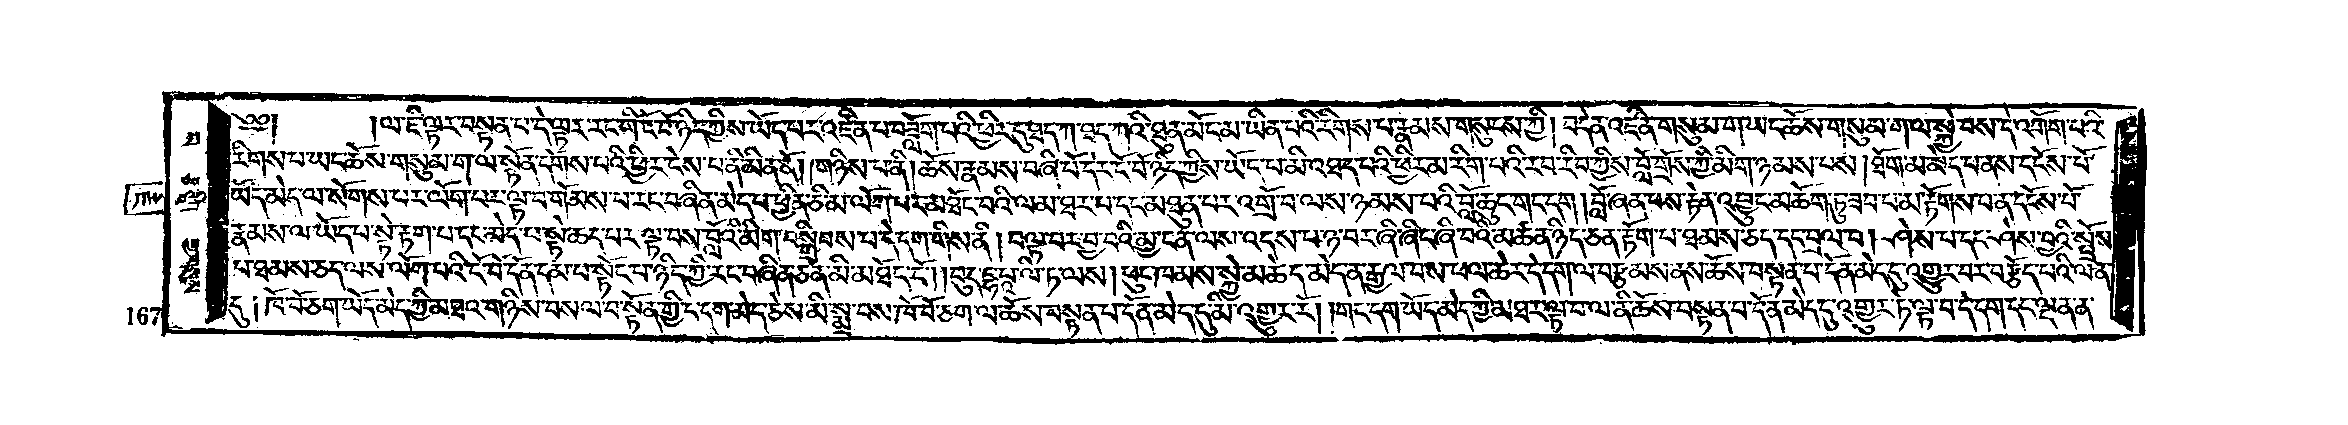༄༅། །ལ་ཇི་ལྟར་བསྟན་པ་དེ་ལྟར་རང་གི་ངོ་བོ་ཉིད་ཀྱིས་ཡོད་པར་འཛིན་པ་བཟློག་པའི་ཕྱིར་དུ་ཐད་ཀ་ཐད་ཀའི་ཐུན་མོང་མ་ཡིན་པའི་རིགས་པ་རྣམས་གསུངས་ཀྱི། བདེན་འཛིན་གསུམ་ག་ཡང་ཆོས་གསུམ་ག་ལ་སྐྱེ་བས་དེ་འགོག་པའི་
རིགས་པ་ཡང་ཆོས་གསུམ་ག་ལ་སྟོན་དགོས་པའི་ཕྱིར་ངེས་པ་ནི་མིན་ནོ། །གཉིས་པ་ནི། ཆོས་རྣམས་བཞི་པོ་དེར་ངོ་བོ་ཉིད་ཀྱིས་ཡོད་པ་མི་འཐད་པའི་ཕྱིར་མ་རིག་པའི་རབ་རིབ་ཀྱིས་བློ་གྲོས་ཀྱི་མིག་ཉམས་པས། ཐོག་མ་མེད་པ་ནས་དངོས་པོ་
ཡོད་མེད་ལ་སོགས་པར་ལོག་པར་ལྟ་བ་གོམས་པ་རང་བཞིན་མེད་པ་ཕྱིན་ཅི་མ་ལོག་པར་མཐོང་བའི་ལམ་ཐར་པ་དང་མཐུན་པར་འགྲོ་བ་ལས་ཉམས་པའི་བློ་ཆུང་གང་དག། བློ་ཞན་པས་རྟེན་འབྱུང་མཆོག་ཏུ་ཟབ་པ་མ་རྟོགས་པ་ན་དངོས་པོ་
རྣམས་ལ་ཡོད་པ་སྟེ་རྟག་པ་དང་མེད་པ་སྟེ་ཆད་པར་ལྟ་བས་བློའི་མིག་བསྒྲིབས་པ་དེ་དག་གིས་ནི། བལྟ་བར་བྱ་བའི་མྱ་ངན་ལས་འདས་པ་ཉེ་བར་ཞི་ཞིང་ཞི་བའི་མཚན་ཉིད་ཅན་རྟོག་པ་ཐམས་ཅད་དང་བྲལ་བ། ཤེས་པ་དང་ཤེས་བྱའི་སྤྲོས་
པ་ཐམས་ཅད་ལས་ལོག་པའི་ངོ་བོ་དོན་དམ་པ་སྟོང་པ་ཉིད་ཀྱི་རང་བཞིན་ཅན་མི་མཐོང་ངོ། །བུད་དྷ་པཱ་ལི་ཏ་ལས། ཕུང་ཁམས་སྐྱེ་མཆེད་མེད་ན་རྒྱལ་བས་ཕལ་ཆེར་དེ་དག་ལ་བརྩམས་ནས་ཆོས་བསྟན་པ་དོན་མེད་དུ་འགྱུར་པར་བརྩོད་པའི་ལན་
དུ། ཁོ་བོ་ཅག་ཡོད་མེད་ཀྱི་མཐའ་གཉིས་བསལ་བ་སྟོན་གྱི་དེ་དག་མེད་ཅེས་མི་སྨྲ་བས་ཁོ་བོ་ཅག་ལ་ཆོས་བསྟན་པ་དོན་མེད་དུ་མི་འགྱུར་རོ། །གང་དག་ཡོད་མེད་ཀྱི་མཐར་ལྟ་བ་ལ་ནི་ཆོས་བསྟན་པ་དོན་མེད་དུ་འགྱུར་ཏེ་ལྟ་བ་དེ་དག་དང་ལྡན་ན་